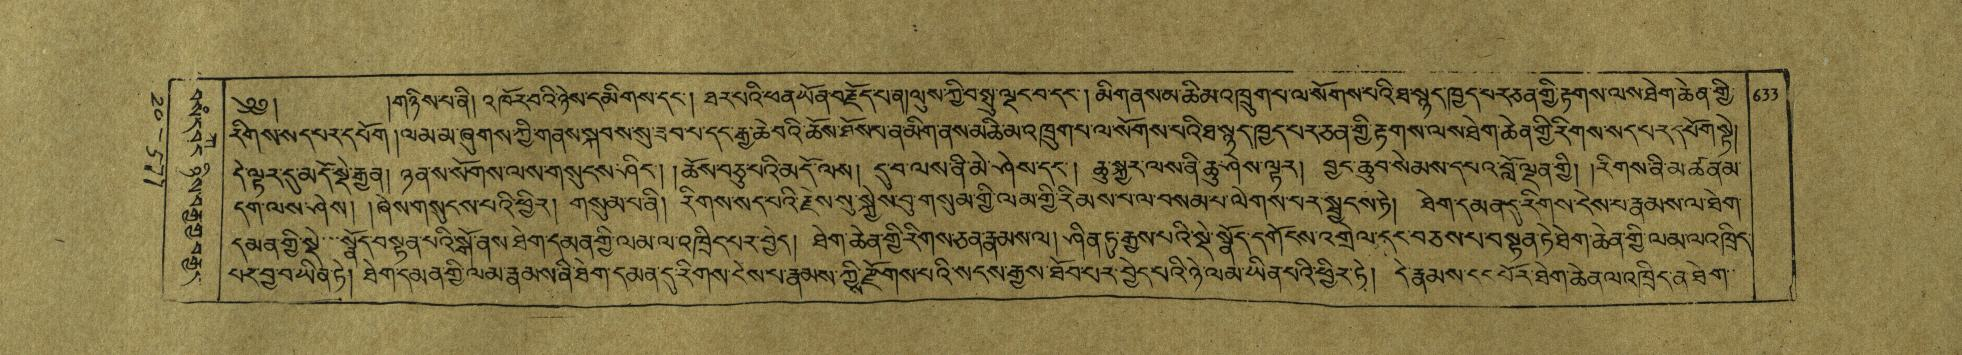༄༅། །གཉིས་པ་ནི། འཁོར་བའི་ཉེས་དམིགས་དང་། ཐར་པའི་ཕན་ཡོན་བརྗོད་པ་ན། ལུས་ཀྱི་བ་སྤུ་ལྡང་བ་དང་། མིག་ནས་མ་ཆི་མ་འཁྲུག་པ་ལ་སོགས་པའི་ཐ་སྙད་ཁྱད་པར་ཅན་གྱི་རྟགས་ལས་ཐེག་ཆེན་གྱི་
རིགས་སད་པར་དཔོག །ལམ་མ་ཞུགས་ཀྱི་གནས་སྐབས་སུ་ཟབ་པ་དང་རྒྱ་ཆེ་བའི་ཆོས་ཐོས་པ་ན་མིག་ནས་མཆི་མ་འཁྲུག་པ་ལ་སོགས་པའི་ཐ་སྙད་ཁྱད་པར་ཅན་གྱི་རྟགས་ལས་ཐེག་ཆེན་གྱི་རིགས་སད་པར་དཔོག་སྟེ།
དེ་ལྟར་དུ་མདོ་སྡེ་རྒྱན། ཉན་ས་སོགས་ལས་གསུངས་ཤིང་། །ཆོས་བཅུ་པའི་མདོ་ལས། དུ་བ་ལས་ནི་མེ་ཤེས་དང་། ཆུ་སྐྱར་ལས་ནི་ཆུ་ཤེས་ལྟར། བྱང་ཆུབ་སེམས་དཔའ་བློ་ལྡན་གྱི། །རིགས་ནི་མཚན་མ་
དག་ལས་ཤེས། །ཞེས་གསུངས་པའི་ཕྱིར། གསུམ་པ་ནི། རིགས་སད་པའི་རྗེས་སུ་སྐྱེས་བུ་གསུམ་གྱི་ལམ་གྱི་རིམས་པ་ལ་བསམ་པ་ལེགས་པར་སྦྱངས་ཏེ། ཐེག་དམན་དུ་རིགས་ངེས་པ་རྣམས་ལ་ཐེག་
དམན་གྱི་སྡེ་སྣོད་བསྟན་པའི་སྒོ་ནས་ཐེག་དམན་གྱི་ལམ་ལ་འཁྲིད་པར་བྱེད། ཐེག་ཆེན་གྱི་རིགས་ཅན་རྣམས་ལ། ཤིན་ཏུ་རྒྱས་པའི་སྡེ་སྣོད་དགོངས་འགྲེལ་དང་བཅས་པ་བསྟན་ཏེ་ཐེག་ཆེན་གྱི་ལམ་ལ་འཁྲིད་
པར་བྱ་བ་ཡིན་ཏེ། ཐེག་དམན་གྱི་ལམ་རྣམས་ནི་ཐེག་དམན་དུ་རིགས་ངེས་པ་རྣམས་ཀྱིས་རྫོགས་པའི་སངས་རྒྱས་ཐོབ་པར་བྱེད་པའི་ཉེ་ལམ་ཡིན་པའི་ཕྱིར་ཏེ། དེ་རྣམས་དང་པོར་ཐེག་ཆེན་ལ་འཁྲིད་ན་ཐེག་